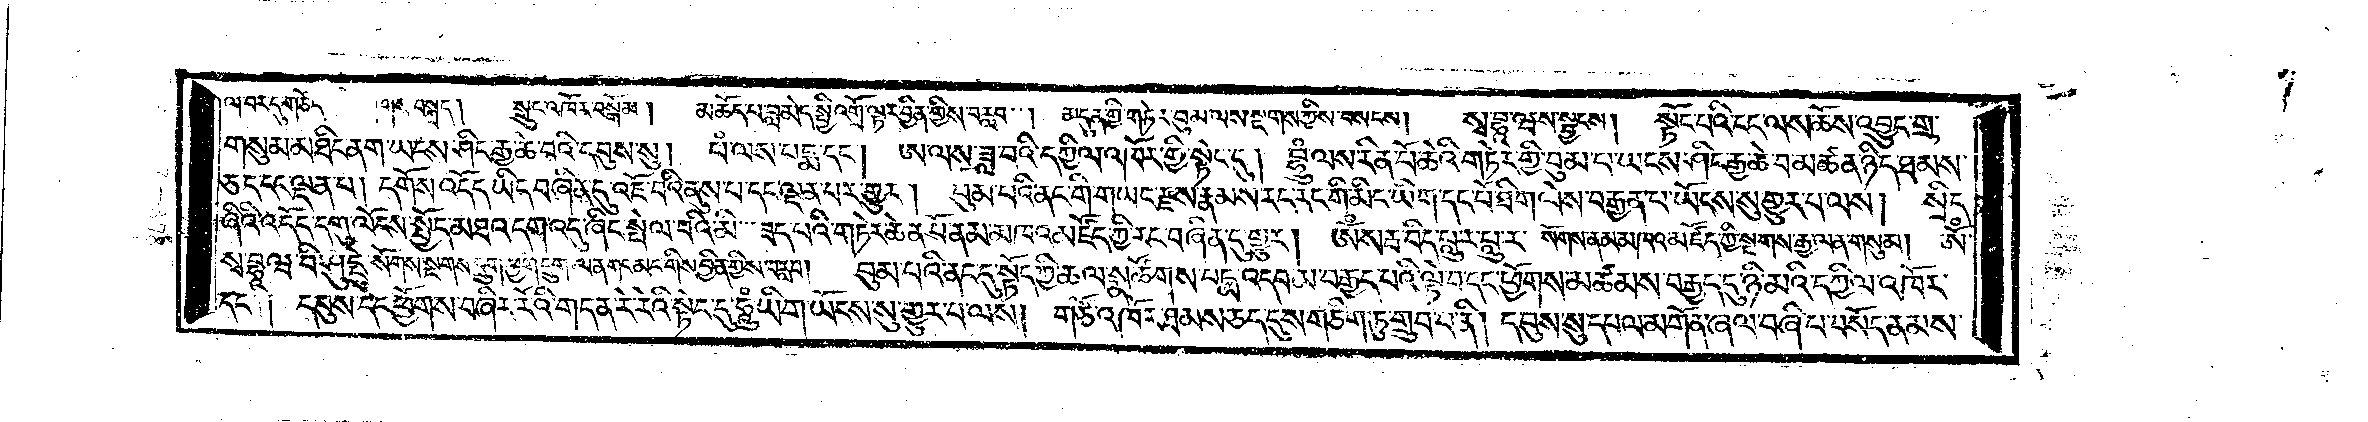ལ་བར་དུ་གཅོད་པའི་བགེགས་བསྐྲད། སྲུང་འཁོར་བསྒོམ། མཆོད་པ་བླ་མེད་སྤྱི་འགྲོ་ལྟར་བྱིན་གྱིས་བརླབ། མདུན་གྱི་གཏེར་བུམ་ལས་སྔགས་ཀྱིས་བསངས། སྭ་བྷཱ་ཝས་སྦྱངས། སྟོང་པའི་ངང་ལས་ཆོས་འབྱུང་གྲུ་
གསུམ་མཐིང་ནག་ཡངས་ཤིང་རྒྱ་ཆེ་བའི་དབུས་སུ། པཾ་ལས་པདམ་དང་། ཨ་ལས་ཟླ་བའི་དཀྱིལ་འཁོར་གྱི་སྟེང་དུ། བྷཱུཾ་ལས་རིན་པོ་ཆེའི་གཏེར་གྱི་བུམ་པ་ཡངས་ཤིང་རྒྱ་ཆེ་བ་མཚན་ཉིད་ཐམས་
ཅད་དང་ལྡན་པ། དགོས་འདོད་ཡིད་བཞིན་དུ་འཇོ་བའི་ནུས་པ་དང་ལྡན་པར་གྱུར། བུམ་པའི་ནང་གི་གཡང་རྫས་རྣམས་རང་རང་གི་མིང་ཡིག་དང་པོ་ཐིག་ལེས་བརྒྱན་པ་ཡོངས་སུ་གྱུར་པ་ལས། སྲིད་
ཞིའི་འདོད་དགུ་ལོངས་སྤྱོད་མཐའ་དག་འདུ་ཞིང་སྤེལ་བའི་མི་ཟད་པའི་གཏེར་ཆེན་པོ་ནམ་མཁའ་མཛོད་ཀྱི་རང་བཞིན་དུ་གྱུར། ཨོཾ་སརྦ་བིད་པཱུ་ར་པཱུ་ར་སོགས་ནམ་མཁའ་མཛོད་ཀྱི་སྔགས་རྒྱ་ལན་གསུམ།  ཨོཾ་
སྭཱ་བྷཱ་ཝ་བི་ཤུདྡྷེ་སོགས་སྔགས་དྲུག་ཕྱག་དྲུག་ལན་གང་མང་གིས་བྱིན་གྱིས་བརླབ།  བུམ་པའི་ནང་དུ་སྟོད་ཀྱི་ཆ་ལ་སྣ་ཚོགས་པདམ་འདབ་མ་བརྒྱད་པའི་ལྟེ་བ་དང་ཕྱོགས་མཚམས་བརྒྱད་དུ་ཉི་མའི་དཀྱིལ་འཁོར་
དང་། དབུས་དང་ཕྱོགས་བཞིར་རོའི་གདན་རེ་རེའི་སྟེང་དུ་ཧཱུཾ་ཡིག་ཡོངས་སུ་གྱུར་པ་ལས། གཙོ་འཁོར་ཐམས་ཅད་དུས་གཅིག་ཏུ་གྲུབ་པ་ནི། དབུས་སུ་དཔལ་མགོན་ཞལ་བཞི་པ་བསོད་ནམས་